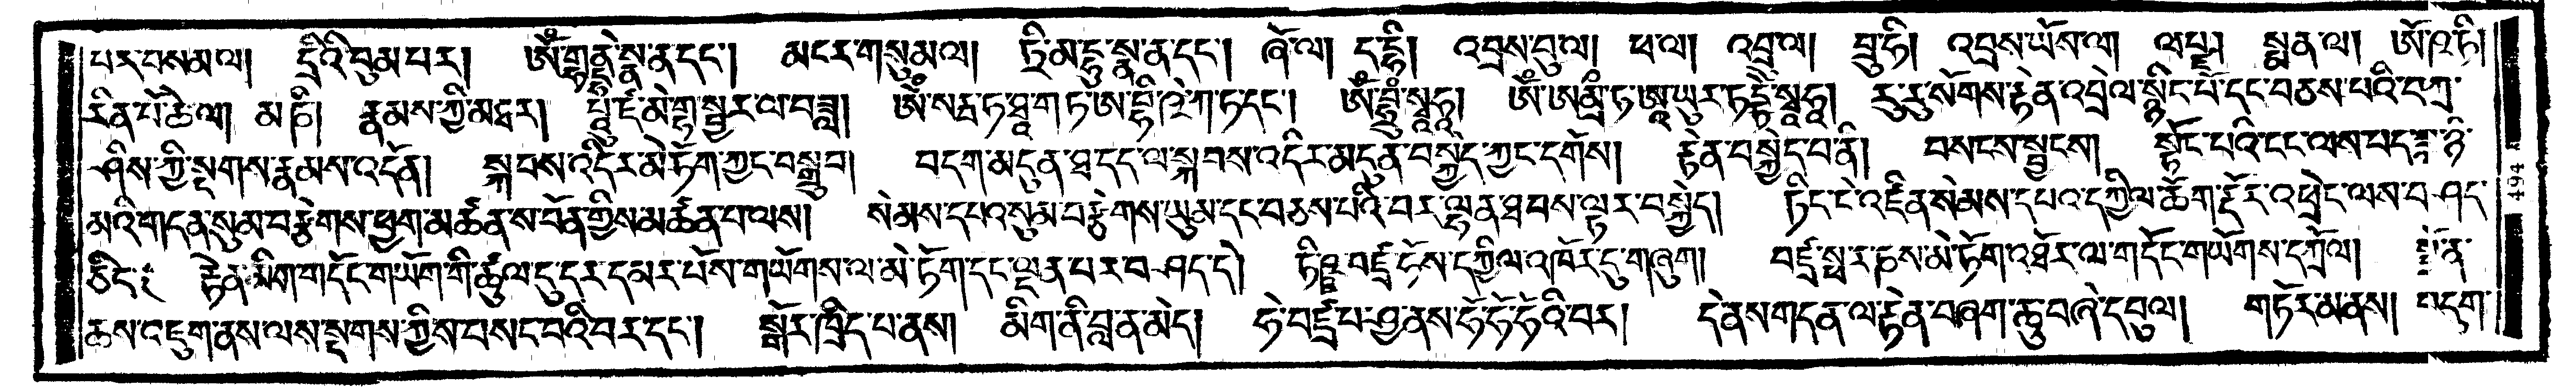བར་བསམ་ལ། དྲིའི་བུམ་པར། ཨོཾ་གྷནྡྷེ་སྣ་ན་དང་། མངར་གསུམ་ལ། ཏྲི་མ་དྷུ་སྣ་ན་དང་། ཞོ་ལ། ད་དྷི། འབྲས་བུ་ལ། ཕ་ལ། འབྲག་ལ། བྲུ་ཧི། འབྲས་ཡིས་ལ། ལ་པ། སྨན་ལ། ཨོ་ཥཏི་
རིན་པོ་ཆེ་ལ། མ་ཎི། རྣམས་ཀྱི་མཐར། པཱུ་ཛ་མེ་གྷ་སྦྱར་ལ་བཟླ། ཨོཾ་སརྦ་ཏ་ཐཱ་གཏ་ཨ་བྷི་ཥེ་ཀ་ཏ་དང་། ཨོཾ་བྷཱུཾ་སྭཱཧཱ། ཨོཾ་ཨ་མྲྀ་ཏ་ཨཱ་ཡུར་དྷཻ་སྣཧཱ། རུ་རུ་སོགས་རྟེན་འབྲེལ་སྙིང་པོ་དང་བཅས་པའོ་བཀྲ་
ཤིས་ཀྱི་སྔགས་རྣམས་འདོན། སྐབས་འདིར་མེ་ཏོག་ཀྱང་བསྒྲུབ། བདག་མདུན་ཐ་དད་ལ་སྐབས་འདིར་མདུན་བསྐྱེད་ཀྱང་དགོས། རྟེན་བསྐྱེད་པ་ནི། བསངས་སྦྱངས། སྟོང་པའི་དང་ལས་པད་?་ཉི་
མའི་གདན་སུམ་བརྩེགས་ཕྱག་མཚན་ས་བོན་ཀྱིས་མཚན་པ་ལས། སེམས་དཔའ་སུམ་བརྩེགས་ཡུམ་དང་བའི་བར་ལྷ་ན་ཐབས་ལྟར་བསྐྱེད། ཏིང་ངེ་འཛིན་སེམས་དཔའ་དཀྱིལ་ཆོག་རྡོར་འཕྲེང་ལས་བཤད་
ཅིང་། རྟེན་མིག་གདོང་གཡོག་གི་ཚུལ་དུ་དམར་པོས་གཡོག་ལ་མེ་ཏོག་དང་ལྡན་པར་བཤད་ཏེ། ཏིཥ་བཛྲ་ཧོས་དཀྱིལ་འཁོར་དུ་གཞུག། བཛྲ་སྤར་ནས་མེ་ཏོག་འཐོར་ལ་གདོང་གཡོག་དཀྲོལ། སྤྲོན་
ཆས་འཇུག་ནས་ལས་སྔགས་ཀྱིས་བསང་བའི་བར་དང་། སྒོར་ཁྲིད་པ་ནས། མིག་ནི་བླ་ན་མེད། ཧེ་བྫྲ་པ་ཤྱ་ནས་ཧོ་ཧོ་ཧོའི་བར། དེ་ནས་གདན་ལ་རྟེན་བཞག་ཆུ་བཞེད་དབུལ། གཏོར་མ་ནས། བདག་